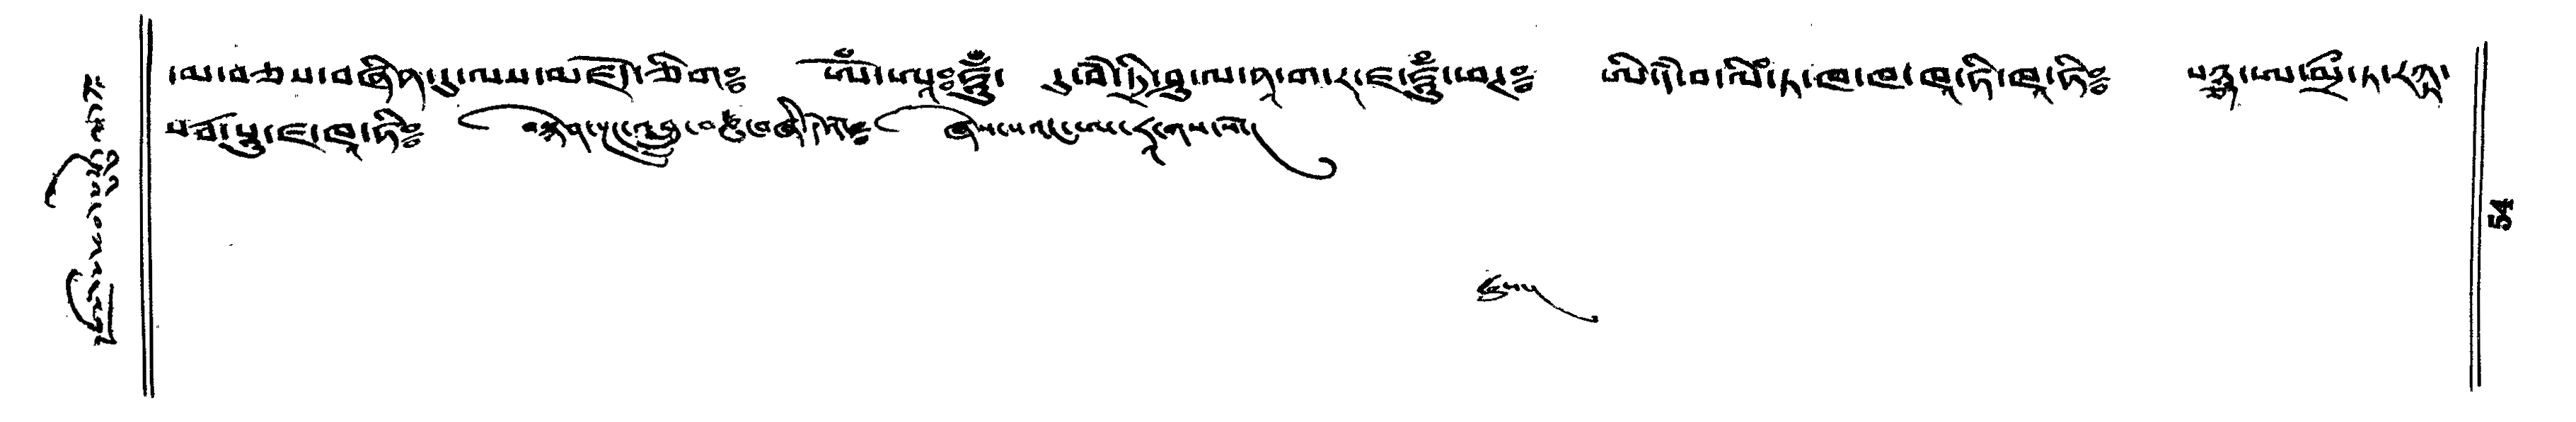།དམ་བཅས་བཞིན་དུ་ལས་མཛོད་ཅིག ཨོཾ་ཨཱཿཧཱུྃ། དུ་བམ་ཏྲི་ཤུ་ལ་ནཱ་ག་ར་ཛ་ཧཱུྃ་ཕཊ། ཨི་དམ་བ་ལིཾ་ཏ་ཁ་ཁ་ཁཱ་ཧི་ཁཱ་ཧི། པཉྩ་ཨ་མྲྀ་ཏ་རཀྟ་
སརྦ་པཱུ་ཛ་ཁཱ་ཧི། བསྙེན་སྔགས་འབྲུ་བཅུ་བཞི་བཟླའོ། ཞེས་པའང་ཨ་རཱ་གས་སོ།། དགེའོ།།